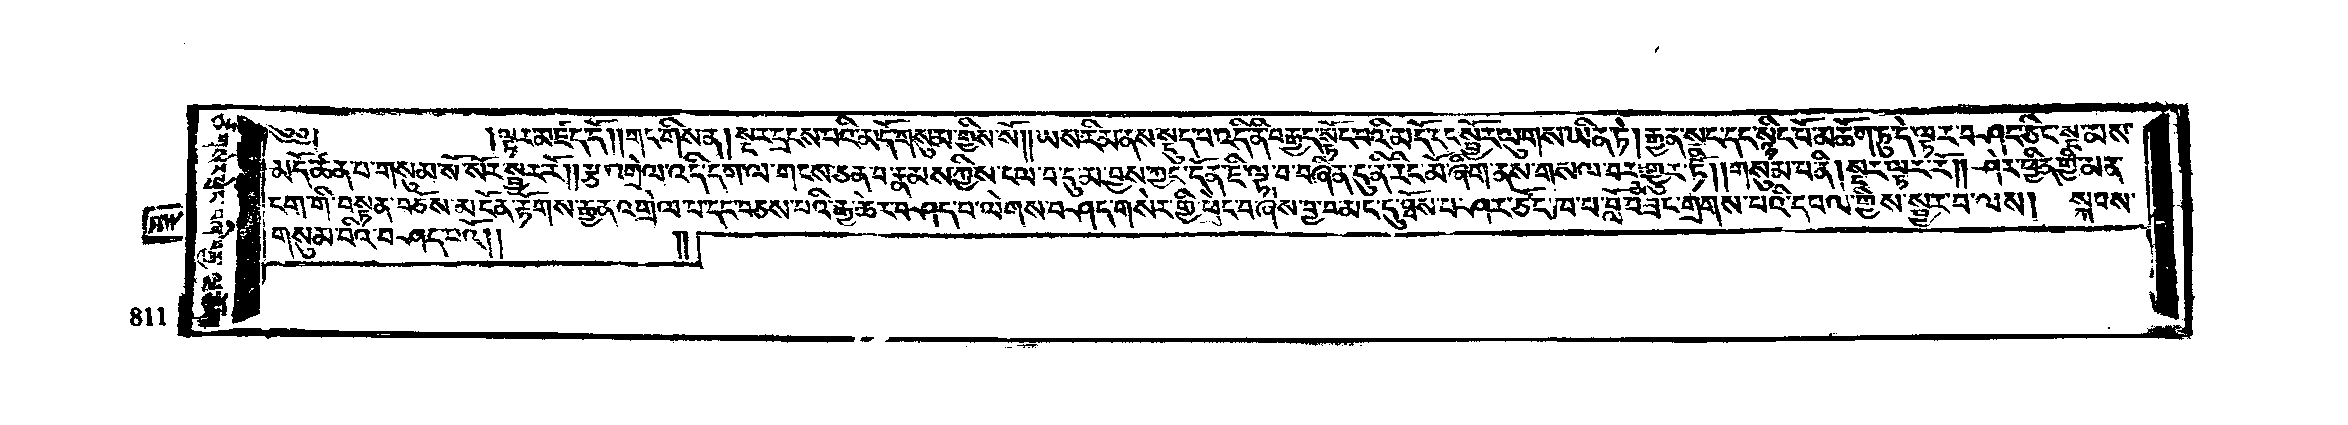༄༅། །ལྟར་མཛད་དོ། །གང་གིས་ན། སྔར་དྲངས་པའི་མདོ་གསུམ་གྱིས་སོ། །ཡས་རིམ་ནས་སྡུད་པ་འདི་ནི་བརྒྱད་སྟོང་པའི་མདོ་དང་སྦྱོར་ལུགས་ཡིན་ཏེ། རྒྱན་སྣང་དང་སྙིང་པོ་མཆོག་ཏུ་དེ་ལྟར་བཤད་ཅིང་སྔ་མས་
མདོ་ཚན་པ་གསུམ་སོ་སོར་སྦྱར་རོ། །རྩ་འགྲེལ་འདི་དག་ལ་གངས་ཅན་པ་རྣམས་ཀྱིས་ངལ་བ་དུ་མ་བྱས་ཀྱང་དོན་ཇི་ལྟ་བ་བཞིན་དུ་ནི་རིང་མོ་ཞིག་ནས་གསལ་བར་མ་གྱུར་ཏོ། །གསུམ་པ་ནི། སྔར་ལྟར་རོ། །ཤེར་ཕྱིན་གྱི་མན་
ངག་གི་བསྟན་བཅོས་མངོན་རྟོགས་རྒྱན་འགྲེལ་པ་དང་བཅས་པའི་རྒྱ་ཆེར་བཤད་པ་ལེགས་བཤད་གསེར་གྱི་ཕྲེང་བ་ཞེས་བྱ་བ་མང་དུ་ཐོས་པ་ཤར་ཙོང་ཁ་པ་བློ་བཟང་གྲགས་པའི་དཔལ་གྱིས་སྦྱར་བ་ལས། སྐབས་
གསུམ་པའི་བཤད་པའོ།། །།